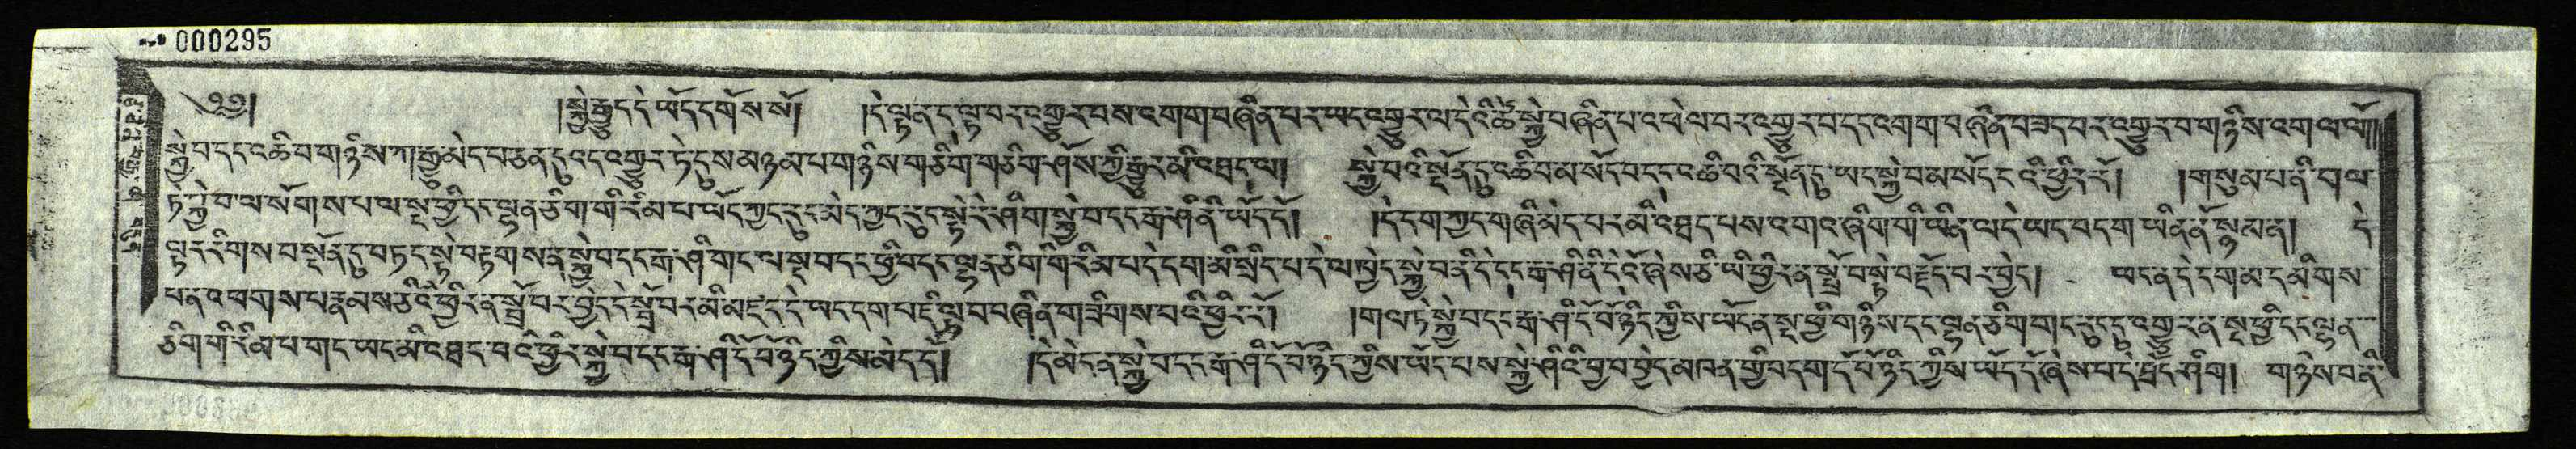༄༅། །སྐྱེ་རྒྱུད་དེ་ཡོད་དགོས་སོ། །དེ་ལྟ་ན་ད་ལྟ་བར་འགྱུར་བས་འགག་བཞིན་པར་ཡང་འགྱུར་ལ་དེའི་ཚེ་སྐྱེ་བཞིན་པ་འཕེལ་བར་འགྱུར་པ་དང་འགག་བཞིན་བཟད་པར་འགྱུར་བ་གཉིས་འགལ་ལོ།།
སྐྱེ་བ་དང་འཆི་བ་གཉིས་ཀ་རྒྱུ་མེད་པ་ཅན་དུའང་འགྱུར་ཏེ་དུས་མཉམ་པ་གཉིས་གཅིག་གཅིག་ཤོས་ཀྱི་རྒྱུར་མི་འཐད་ལ། སྐྱེ་བའི་སྔོན་དུ་འཆི་བ་མ་སོང་བ་དང་འཆི་བའི་སྔོན་དུ་ཡང་སྐྱེ་བ་མ་སོང་ངའི་ཕྱིར་རོ། །གསུམ་པ་ནི་ག་ལ་
ཏེ་སྐྱེ་བ་ལ་སོགས་པ་ལ་སྔ་ཕྱི་དང་ལྷན་ཅིག་གི་རིམ་པ་ཡོད་ཀྱང་རུང་མེད་ཀྱང་རུང་སྟེ་རེ་ཤིག་སྐྱེ་བ་དང་རྒ་ཤི་ནི་ཡོད་དོ། །དེ་དག་ཀྱང་གཞི་མེད་པར་མི་འཐད་པས་འགའ་ཞིག་གི་ཡིན་ལ་དེ་ཡང་བདག་ཡིན་ནོ་སྙམ་ན། དེ་
ལྟར་རིགས་པ་སྔོན་དུ་བཏང་སྟེ་བརྟགས་ན་སྐྱེ་བ་དང་རྒ་ཤི་གང་ལ་སྔ་བ་དང་ཕྱི་བ་དང་ལྷན་ཅིག་གི་རིམ་པ་དེ་དག་མི་སྲིད་པ་དེ་ལ་ཁྱེད་སྐྱེ་བ་ནི་དེ་དང་རྒ་ཤི་ནི་དེའོ་ཞེས་ཅི་ཡི་ཕྱིར་ན་སྤྲོ་བ་སྟེ་བརྗོད་བར་བྱེད། ཡང་ན་དེ་དག་མ་དམིགས་
པ་ན་འཕགས་པ་རྣམས་ཅིའི་ཕྱིར་ན་སྤྲོ་བར་བྱེད་དེ་སྤྲོ་བར་མི་མཛད་དེ་ཡང་དག་པ་ཇི་ལྟ་བ་བཞིན་གཟིགས་པའི་ཕྱིར་རོ། །གལ་ཏེ་སྐྱེ་བ་དང་རྒ་ཤི་ངོ་བོ་ཉིད་ཀྱིས་ཡོང་ན་སྔ་ཕྱི་གཉིས་དང་ལྷན་ཅིག་གང་རུང་དུ་འགྱུར་ན་སྔ་ཕྱི་དང་ལྷན་
ཅིག་གི་རིམ་པ་གང་ཡང་མི་འཐད་པའི་ཕྱིར་སྐྱེ་བ་དང་རྒ་ཤི་ངོ་བོ་ཉིད་ཀྱིས་མེད་དོ། །དེ་མེད་ན་སྐྱེ་བ་དང་རྒ་ཤི་ངོ་བོ་ཉིད་ཀྱིས་ཡོད་པས་སྐྱེ་ཤིའི་བྱ་བ་བྱེད་མཁན་གྱི་བདག་ངོ་བོ་ཉིད་ཀྱིས་ཡོད་དོ་ཞེས་པ་དེ་ཐོད་ཤིག། གཉིས་པ་ནི་